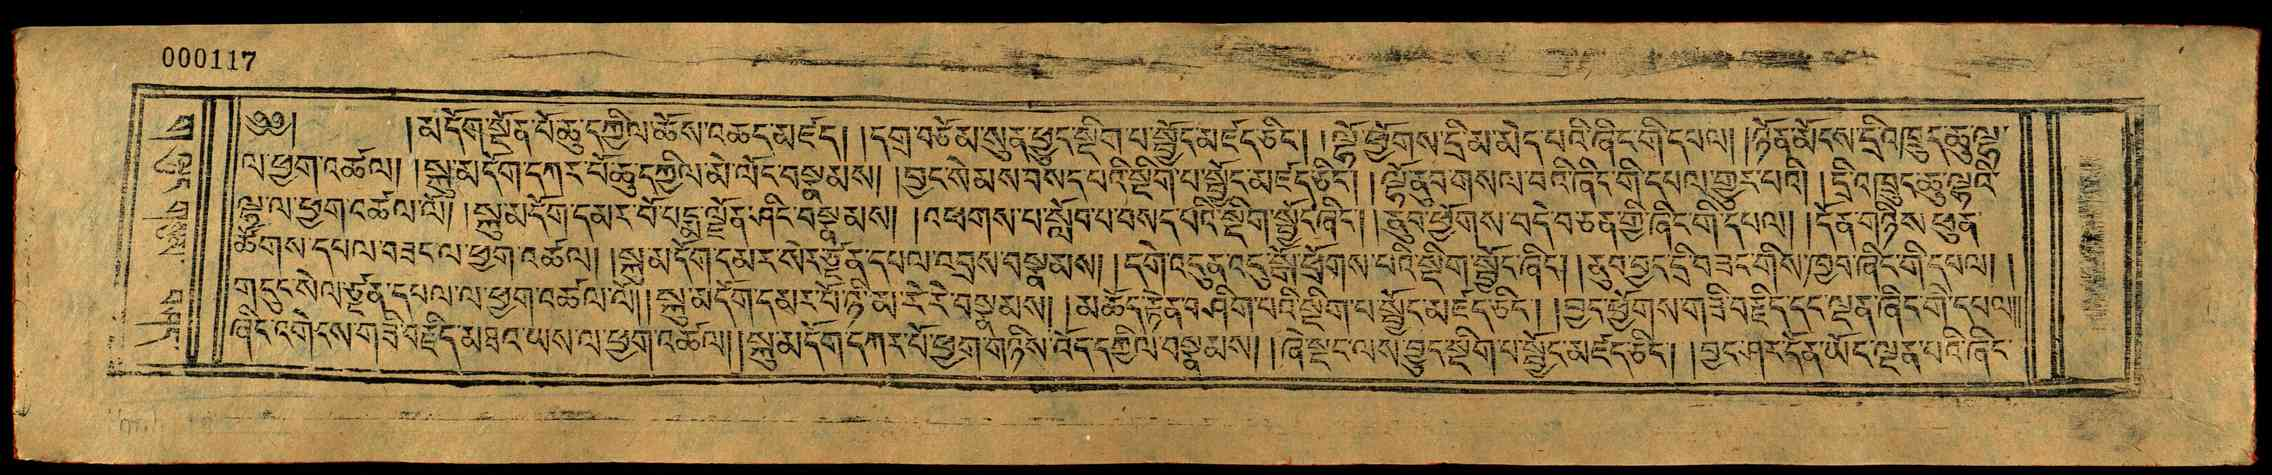༄༅། །མདོག་སྔོན་པོ་ཆུ་དཀྱིལ་ཆོས་འཆད་མཛད། །དགྲ་བཅོམ་སུན་ཕྱུང་སྡིག་པ་སྦྱོང་མཛད་ཅིང་། །ལྷོ་ཕྱོགས་དྲི་མ་མེད་པའི་ཞིང་གི་དཔལ། །ཉོན་མོངས་དྲི་འཁྲུད་ཆུ་ལྷ་
ལ་ཕྱག་འཚལ། །སྐུ་མདོག་དཀར་པོ་ཆུ་དཀྱིལ་མེ་ལོང་བསྣམས། །བྱང་སེམས་བསང་པའི་སྡིག་པ་སྦྱོང་མཛད་ཅིང་། །ལྷོ་ནུབ་གསལ་བའི་ཞིང་གི་དཔལ་གྱུར་པའི། །དྲི་འཁྲུད་ཆུ་ལྷའི་
ལྷ་ལ་ཕྱག་འཚལ་ལོ། །སྐུ་མདོག་དམར་པོ་པདམ་ལྗོན་ཤིང་བསྣམས། །འཕགས་པ་སློབ་པ་བསད་པའི་སྡིག་སྦྱོང་ཞིང་། །ནུབ་ཕྱོགས་བདེ་བ་ཅན་གྱི་ཞིང་གི་དཔལ། །དོན་གཉིས་ཕུན་
ཚོགས་དཔལ་བཟང་ལ་ཕྱག་འཚལ། །སྐུ་མདོག་དམར་སེར་ཙྡན་དཔལ་འབྲས་བསྣམས། །དགེ་འདུན་འདུ་སྒོ་ཕྲོགས་པའི་སྡིག་སྦྱོང་ཞིང་། །ནུབ་བྱང་དྲི་བཟང་གིས་ཁྱབ་ཞིང་གི་དཔལ། །
གདུང་སེལ་ཙྡན་དཔལ་ལ་ཕྱག་འཚལ་ལོ། །སྐུ་མདོག་དམར་པོ་ཉི་མ་རེ་རེ་བསྣམས། །མཆོད་རྟེན་བཤིག་པའི་སྡིག་པ་སྦྱོང་མཛད་ཅིང་། །བྱང་ཕྱོགས་གཟི་བརྗིད་དང་ལྡན་ཞིང་གི་དཔལ།
ཞིང་འགེངས་གཟི་བརྗིད་མཐའ་ཡས་ལ་ཕྱག་འཚལ། །སྐུ་མདོག་དཀར་པོ་ཕྱག་གཉིས་འོད་དཀྱིལ་བསྣམས། །ཞེ་སྡང་ལས་བྱུང་སྡིག་པ་སྦྱོང་མཛད་ཅིང་། །བྱང་ཤར་དོན་ཡོད་ལྡན་པའི་ཞིང་